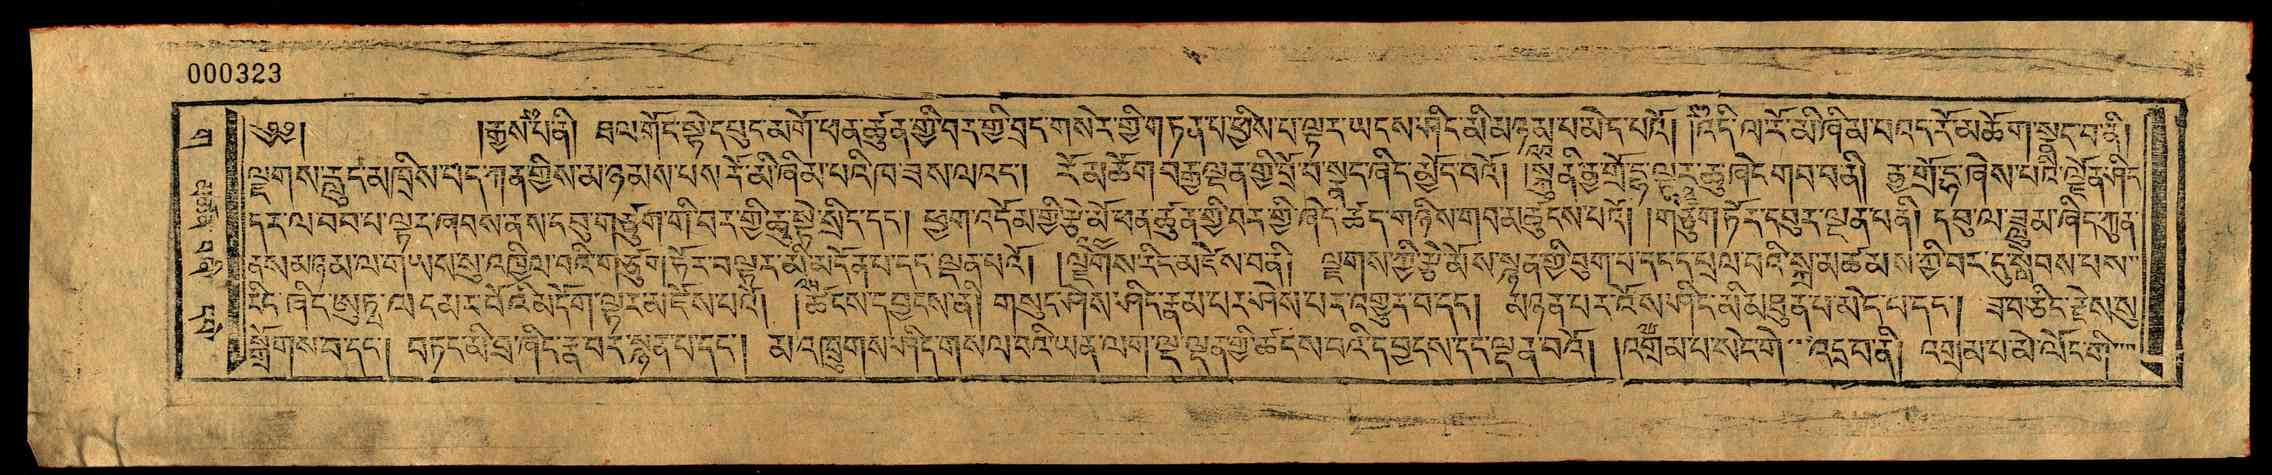༄༅། །རྒྱས་པ་ནི། ཐལ་གོང་སྟེ་དཔུང་མགོ་ཕན་ཚུན་གྱི་བར་གྱི་བྲང་གསེར་གྱི་གཏན་པ་ཕྱིས་པ་ལྟར་ཡངས་ཤིང་མི་མཉམ་པ་མེད་པའོ། །༢༡་འདི་ལ་རོ་མི་ཞིམ་པའང་རོ་མཆོག་སྣང་བ་ནི།
ལྗགས་རླུང་མཁྲིས་པད་ཀན་གྱིས་མ་ཉམས་པས་རོ་མི་ཞིམ་པའི་ཁ་ཟས་ལའང་། རོ་མཆོག་བརྒྱ་ལྡན་གྱི་བྲོ་བ་སྣང་ཞིང་མྱོང་བའོ། །༢༢་སྐུ་ནི་ནྱ་གྲོ་དྷ་ལྟར་ཆུ་ཞེང་གབ་པ་ནི། ནྱ་གྲོ་དྷ་ཞེས་པའི་ལྗོན་ཤིང་
དར་ལ་བབ་པ་ལྟར་ཞབས་ནས་དབུ་གཙུག་གི་བར་གྱི་ཆུ་སྟེ་སྲིད་དང་། ཕྱག་འདོམ་གྱི་རྩེ་མོ་ཕན་ཚུན་གྱི་བར་གྱི་ཞེང་ཚད་གཉིས་གབ་མཚུངས་པའོ། །༢༣་གཙུག་ཏོར་དབུར་ལྡན་པ་ནི། དབུ་ལ་ཟླུམ་ཞིང་ཀུན་
ནས་མཉམ་ལ་གཡས་སུ་འཁྱིལ་བའི་གཙུག་ཏོར་བལྟར་མི་མངོན་པ་དང་ལྡན་པའོ། །༢༤་ལྗགས་རིང་མཛེས་པ་ནི། ལྗགས་ཀྱི་རྩེ་མོས་སྙན་གྱི་བུག་པ་དང་དཔྲལ་བའི་སྐྲ་མཚམས་ཀྱི་བར་དུ་སླེབས་པས་
རིང་ཞིང་ཨུཏྤ་ལ་དམར་པོའི་མདོག་ལྟར་མཛེས་པའོ། །༢༥་ཚངས་དབྱངས་ནི། གསུང་ཤེས་ཤིང་རྣམ་པར་ཤེས་པར་འགྱུར་བ་དང་། མཉན་པར་འོས་ཤིང་མི་མཐུན་པ་མེད་པ་དང་། ཟབ་ཅིང་རྗེས་སུ་
སྒྲོགས་པ་དང་། བཏང་མི་བྲ་ཞིང་རྣ་བར་སྙན་པ་དང་། མ་འཁྲུགས་ཤིང་གསལ་བའི་ཡན་ལག་ལྔ་ལྡན་གྱི་ཚངས་པའི་དབྱངས་དང་ལྡན་པའོ། །༢༦་འགྲམ་པ་སེང་གེའི་འདྲ་བ་ནི། འགྲམ་པ་མེ་ལོང་གི་